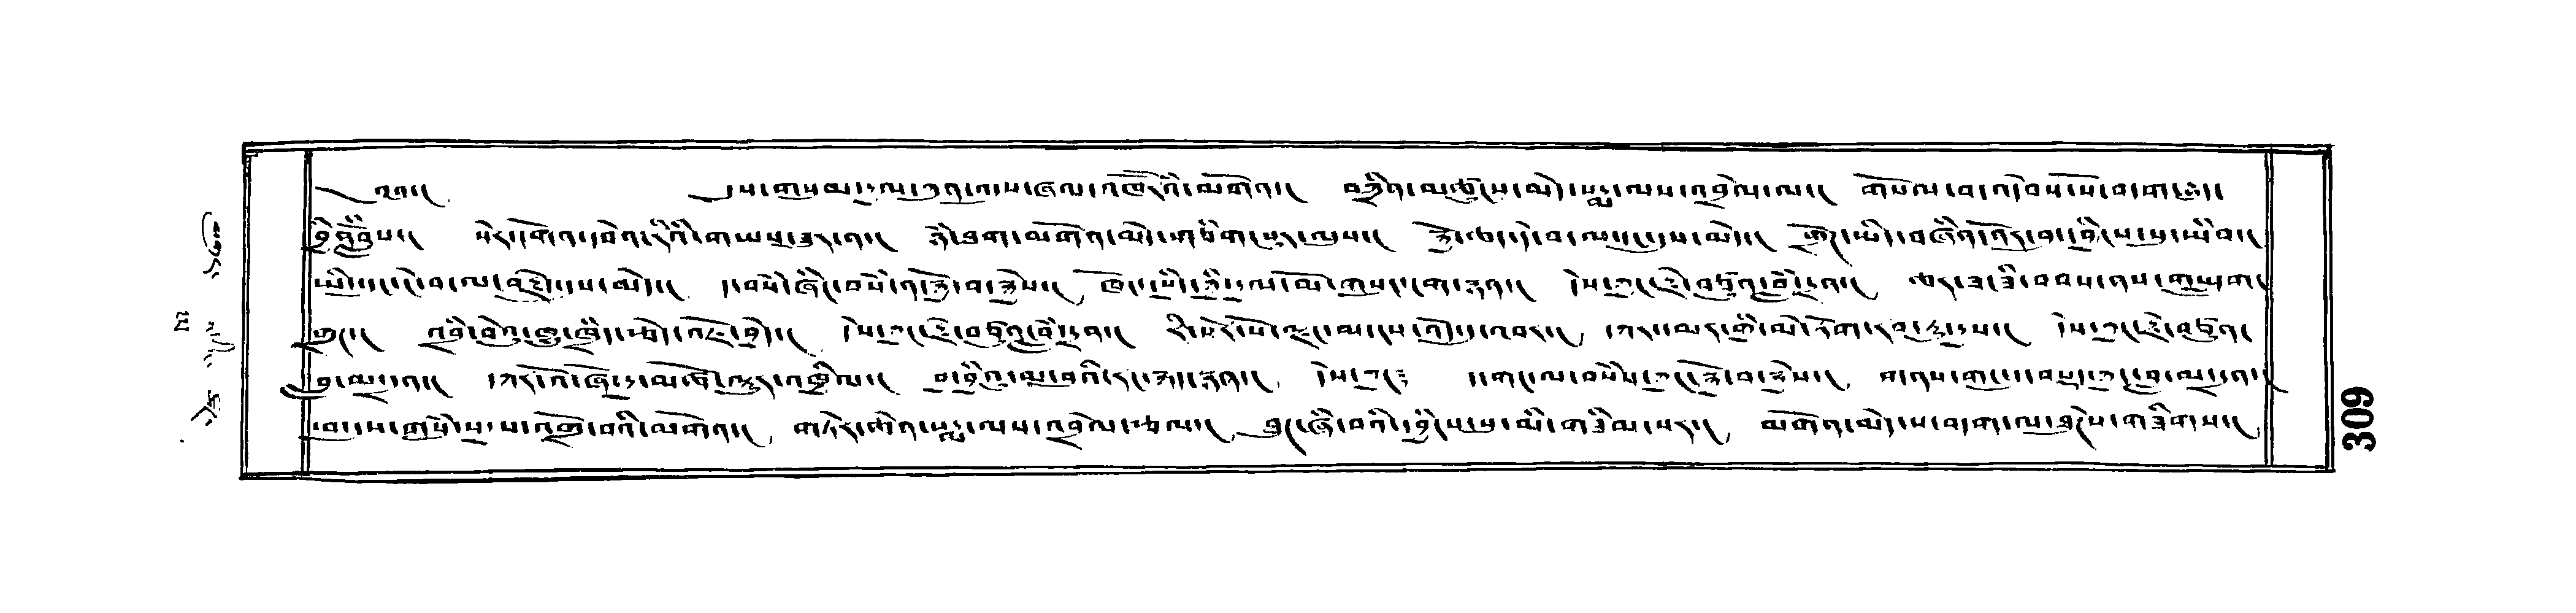དུས་གསུམ་རྒྱལ་ཀུན་འདུས་ཞལ་འཁོར་ལོའི་མགོན། །བཀའ་དྲིན་མཚུས་མེད་པདྨ་ལས་འབྲེལ་ལ། །གསོལ་བ་འདེབས་སོ་བདག་རྒྱུད་
བྱིན་གྱིས་རློབས། །སེར་དགོན་དབེན་རིའི་གཡས་ཟུར་ན། །ཉམ་ཐག་མགོན་མེད་གཅིག་པུར་ལུས། །སྐྱོ་ཆད་དེ་བ་ལ་དྭངས་དུས་མེད། །གྲོགས་ཡིད་བཞིན་ནོར་བུ་དབྱིངས་སུ་ཡིབ། །
ཡིད་དུང་ངེ་བ་ལ་བརྗེད་དུས་མེད། ད་བསམ་ཞིང་བསམ་ན་སྐྱོ་བ་སྐྱེས། ཁོང་དཔྱིད་ཀྱི་རྒྱལ་མོ་གསུང་ངག་སྙན། །དེས་ཀྱང་རྗེ་བཙུན་བླ་མ་དྲན། །ཆར་ཟ་ཟི་བབས་ནས་གཡུ་འབྲུག་
གྲགས། །འབྲི་བེའུ་ཁྱུ་ཁྲིད་རྩེད་འཇོ་བྱེད། །དེས་ཀྱང་རྗེ་བཙུན་བླ་མ་དྲན། །རི་སེར་པོ་ལྗང་མདངས་འོད་དུ་འབར། །དཀར་དམར་གྱི་མེ་ཏོག་རབ་ཏུ་རྒྱས། །དེས་ཀྱང་རྗེ་བཙུན་
བླ་མ་དྲན། །དཀར་འོ་ཞོ་རྒྱ་མཚོ་ལྟ་བུར་འཁྱིལ། བྱ་བྱིའུ་མ་བུའི་རང་སྐད་སྙན། །དེས་ཀྱང༴ ད་གང་ལ་བསམས་ཀྱང་སྐྱོ་བ་སྐྱེས། །གནས་གང་དུ་བསྡད་ཀྱང་བླ་མ་དྲན། །
ཕ་དུས་གསུམ་སངས་རྒྱས་འགྲོ་བའི་མགོན། །གཏེར་ཆེན་པདྨ་ལས་འབྲེལ་རྩལ། །ཐུགས་ཞི་བའི་དབྱིངས་སུ་མི་གཟིམ་པར། །མགོན་མེད་པ་བདག་ལ་ཐུགས་རྗེས་གཟིགས།